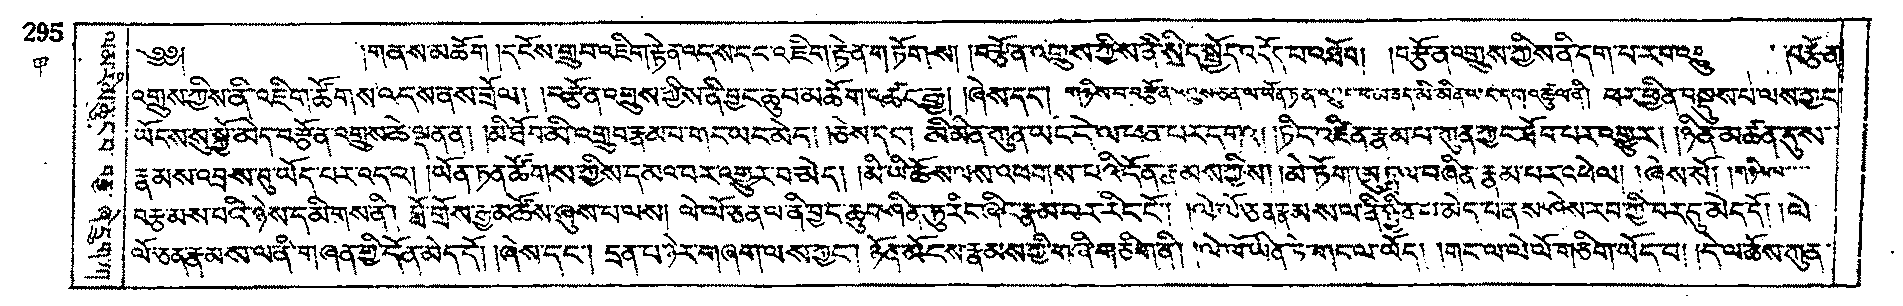༄༅། །གནས་མཆོག །དངོས་གྲུབ་འཇིག་རྟེན་འདས་དང་འཇིག་རྟེན་གཏོགས། །བརྩོན་འགྲུས་ཀྱིས་ནི་སྲིད་སྤྱོད་འདོད་པ་འཐོབ། །བརྩོན་འགྲུས་ཀྱིས་ནི་དག་པ་རབ་འབྱུང་། །བརྩོན་
འགྲུས་ཀྱིས་ནི་འཇིག་ཚོགས་འདས་ནས་གྲོལ། །བརྩོན་འགྲུས་ཀྱིས་ནི་བྱང་ཆུབ་མཆོག་འཚང་རྒྱ། །ཞེས་དང་། གཉིས་པ་བརྩོན་འགྲུས་ཅན་ལ་ཡོན་ཏན་འབྱུང་བ་མ་ཟད་མི་མིན་ཡང་དག་འཚུལ་ནི།  ཕར་ཕྱིན་བསྡུས་པ་ལས་ཀྱང་
ཡོངས་སུ་སྐྱོ་མེད་བརྩོན་འགྲུས་ཆེ་ལྡན་ན། །མི་ཐོབ་མི་འགྲུབ་རྣམ་པ་གང་ཡང་མེད། །ཅེས་དང་། མི་མིན་ཀུན་ཡང་དེ་ལ་ཕན་པར་དགའ། །ཏིང་འཛིན་རྣམ་པ་ཀུན་ཀྱང་ཐོབ་པར་འགྱུར། །ཉིན་མཚན་དུས་
རྣམས་འབྲས་བུ་ཡོད་པར་འདའ། །ཡོན་ཏན་ཚོགས་ཀྱིས་དམའ་བར་འགྱུར་བ་མེད། །མི་ཡི་ཆོས་ལས་འཕགས་པའི་དོན་རྣམས་ཀྱིས། །མེ་ཏོག་ཨུཏྤལ་བཞིན་རྣམ་པར་འཕེལ། །ཞེས་སོ། །གཉིས་པ
བརྩམས་པའི་ཉེས་དམིགས་ནི། བློ་གྲོས་རྒྱ་མཚོས་ཞུས་པ་ལས། ལེ་ལོ་ཅན་ལ་ནི་བྱང་ཆུབ་ཤིན་ཏུ་རིང་ཞིང་རྣམ་པར་རིང་ངོ། །ལེ་ལོ་ཅན་རྣམས་ལ་ནི་སྦྱིན་པ་མེད་པ་ནས་ཤེས་རབ་ཀྱི་བར་དུ་མེད་དོ། །ལེ་
ལོ་ཅན་རྣམས་ལ་ནི་གཞན་གྱི་དོན་མེད་དོ། །ཞེས་དང་། དྲན་པ་ཉེར་གཞག་ལས་ཀྱང་། ཉོན་མོངས་རྣམས་ཀྱི་གཞི་གཅིག་ནི། །ལེ་ལོ་ཡིན་ཏེ་གང་ལ་ཡོད། །གང་ལ་ལེ་ལོ་གཅིག་ཡོད་པ། །དེ་ལ་ཆོས་ཀུན་